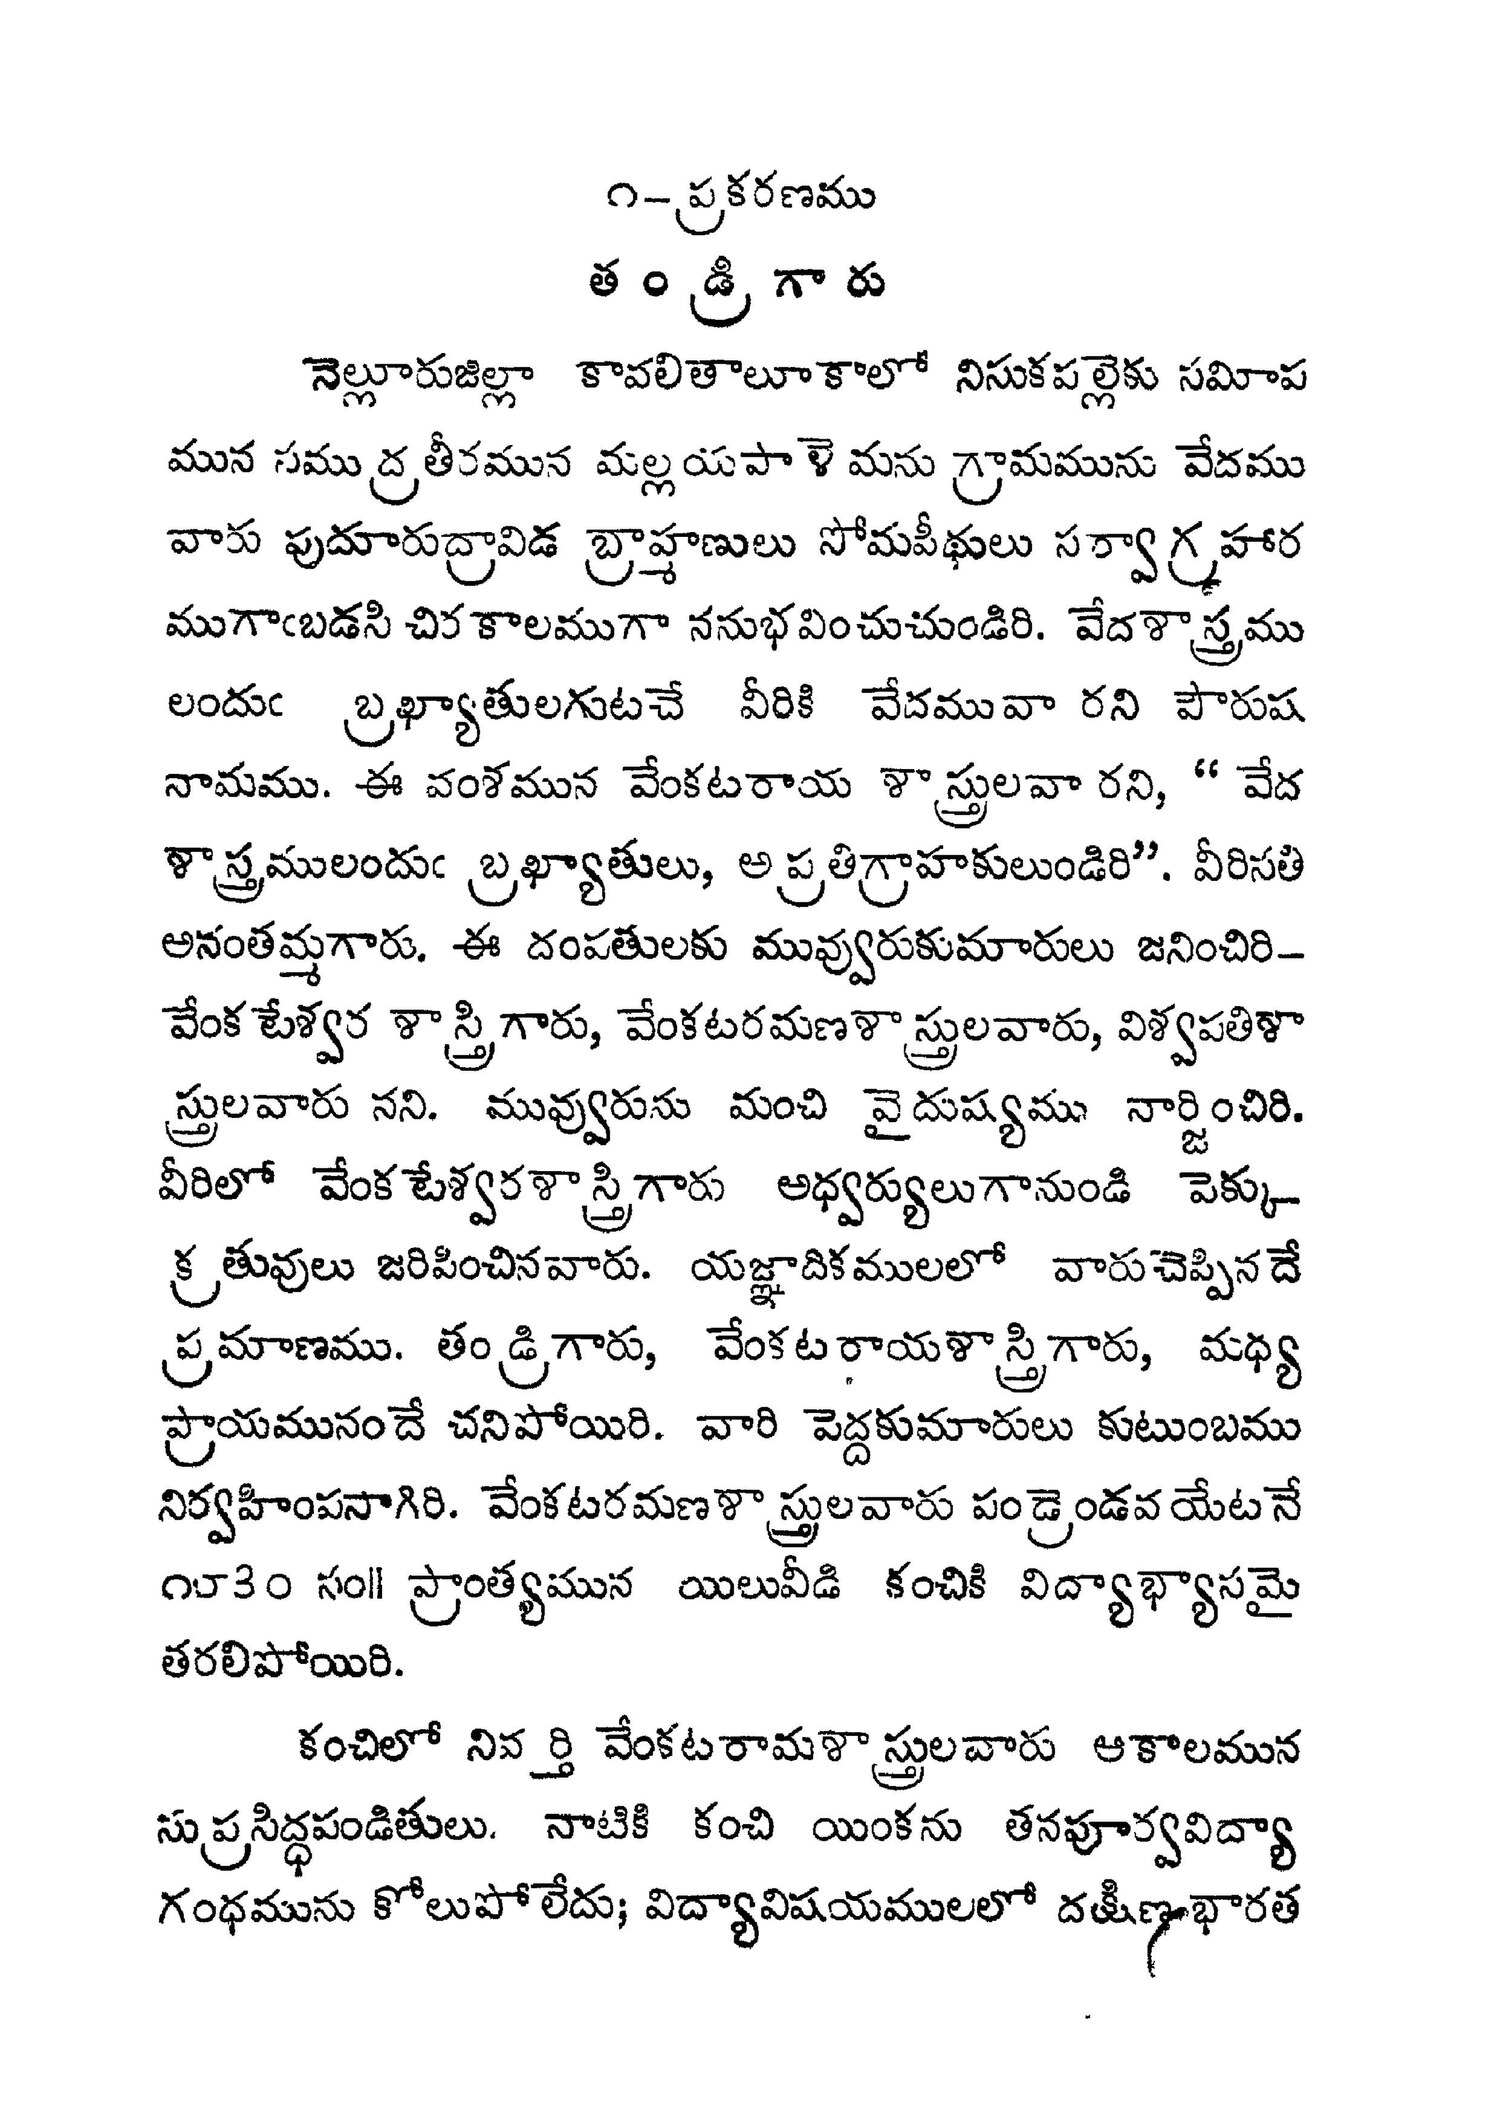నెల్లూరుజిల్లా కావలితాలూకాలో నిసుకపల్లెకు సమీపమున సముద్రతీరమున మల్లయపాళెమను గ్రామమును వేదము వారు పుదూరుద్రావిడ బ్రాహ్మణులు సోమపీథులు సర్వాగ్రహారముగా బడసి చిరకాలముగా ననుభవించుచుండిరి. వేదశాస్త్రము లందు బ్రఖ్యాతులగుటచే వీరికి వేదమువా రని పౌరుషనామము. ఈ వంశమున వేంకటరాయ శాస్త్రులవా రని, "వేదశాస్త్రములందు బ్రఖ్యాతులు, అప్రతిగ్రాహకులుండిరి." వీరిసతి అనంతమ్మగారు. ఈ దంపతులకు మువ్వురుకుమారులు జనించిరి - వేంకటేశ్వర శాస్త్రిగారు, వేంకటరమణశాస్త్రులవారు, విశ్వపతిశాస్త్రులవారు నని. మువ్వురును మంచి వైదుష్యము నార్జించిరి. వీరిలో వేంకటేశ్వరశాస్త్రిగారు. అధ్వర్యులుగానుండి పెక్కు క్రతువులు జరిపించినవారు. యజ్ఞాదికములలో వారుచెప్పినదే ప్రమాణము. తండ్రిగారు, వేంకటరాయశాస్త్రిగారు, మధ్యప్రాయమునందే చనిపోయిరి. వారి పెద్దకుమారులు కుటుంబము నిర్వహింపసాగిరి. వేంకటరమణశాస్త్రులవారు పండ్రెండవయేటనే 1830 సం. ప్రాంత్యమున యిలువీడి కంచికి విద్యాభ్యాసమై తరలిపోయిరి.

కంచిలో నివర్తి వేంకటరామశాస్త్రులవారు ఆకాలమున సుప్రసిద్ధపండితులు. నాటికి కంచి యింకను తనపూర్వవిద్యా గంధమును కోలుపోలేదు; విద్యావిషయములలో దక్షిణభారత